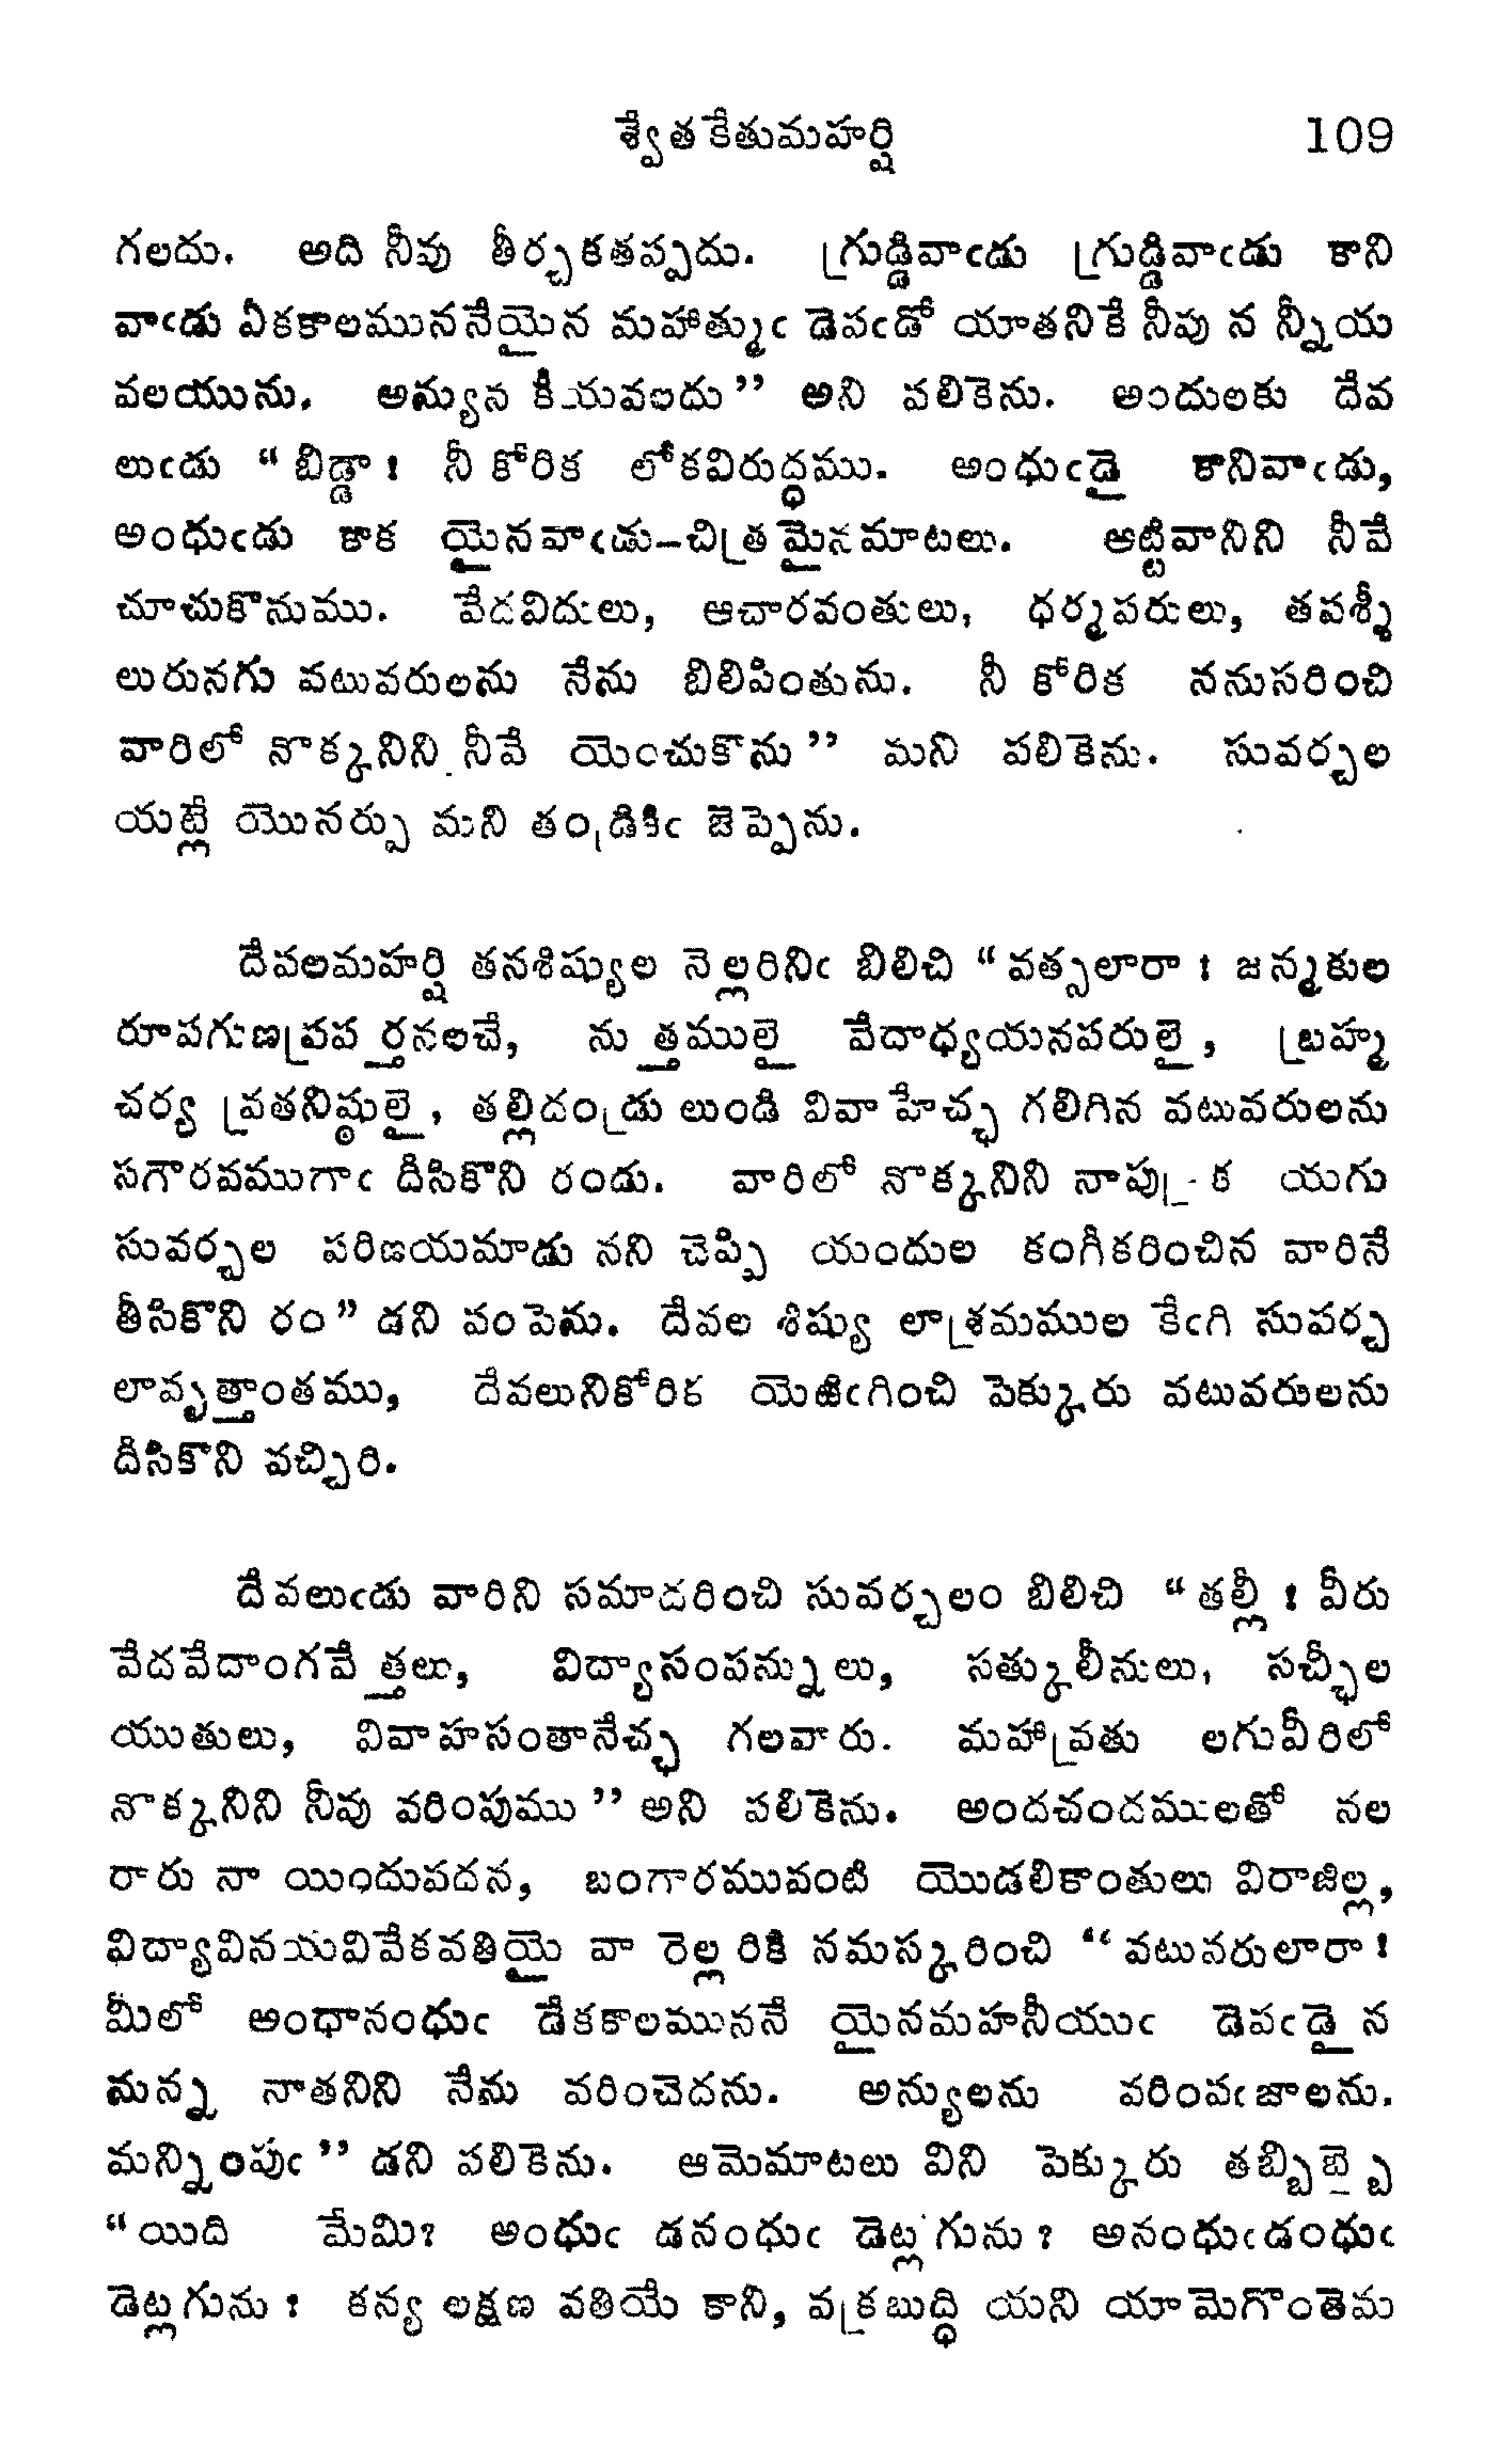గలదు. అది నీవు తీర్చకతప్పదు. గ్రుడ్డివాఁడు గ్రుడ్డివాఁడు కాని వాఁడు ఏకకాలముననేయైన మహాత్ముఁ డెవఁడో యాతనికే నీవు నన్నీయవలయును. అన్యున కీయవలదు” అని పలికెను. అందులకు దేవలుఁడు “బిడ్డా! నీకోరిక లోకవిరుద్దము. అంధుఁడై కానివాఁడు, అంధుఁడు కాక యైనవాఁడు-చిత్రమైన మాటలు. అట్టివానిని నీవే చూచుకొనుము. వేదవిదులు, ఆచారవంతులు, ధర్మపరులు, తపశ్ళీలురునగు వటువరులను నేను బిలిపింతును. నీ కోరిక ననుసరించి వారిలో నొక్కనిని నీవే యెంచుకొను” మని పలికెను. సువర్బల యట్లే యొనర్పు మని తండ్రికిఁ బెప్పెను.

దేవలమహర్షి తనశిష్యుల నెల్లరినిఁ బిలిచి "వత్సలారా ! జన్మకుల రూపగుణప్రపర్తనలచే, నుత్తములై వేదాధ్యయనపరులై, బ్రహ్మచర్య వ్రతనిష్ఠులై , తల్లిదండ్రు లుండి వివాహేచ్ఛ గలిగిన వటువరులను సగౌరవముగాఁ దీసికొని రండు. వారిలో నొక్కనిని నాపుత్రిక యగు సువర్చల పరిణయమాడు నని చెప్పి యందుల కంగీకరించిన వారినే తీసికొని రం” డని వంపెను. దేవల శిష్యు లాశ్రమముల కేఁగి సువర్చలావృత్తాంతము, దేవలునికోరిక యెఱిఁగించి పెక్కురు వటువరులను దీసికొని వచ్చిరి.

దేవలుఁడు వారిని సమాదరించి సువర్చలం బిలిచి "తల్లీ ! వీరు వేదవేదాంగవేత్తలు, విద్యాసంపన్నులు, సత్కులీనులు, సచ్ఛీల యుతులు, వివాహసంతానేచ్చ గలవారు. మహావ్రతు లగువీరిలో నొక్కనిని నీవు వరింపుము" అని పలికెను. అందచందములతో నలరారు నా యిందువదన, బంగారమువంటి యొడలికాంతులు విరాజిల్ల, విద్యావినయవివేకవతియై వా రెల్లరికి నమస్కరించి “వటువరులారా ! మీలో అంధానంధుఁ డేకకాలముననే యైనమహనీయుఁ డెవఁడైన నున్న నాతనిని నేను వరించెదను. అన్యులను వరింపఁజాలను, మన్నింపుఁ" డని పలికెను. ఆమెమాటలు విని పెక్కురు తబ్బిబ్బై "యిది మేమి? అంధుఁ డనంధుఁ డెట్ల గును? అనంధుఁడంధుఁ డెట్లగును ! కన్య లక్షణ వతియే కానీ, వక్రబుద్ధి యని యామెగొంతెమ